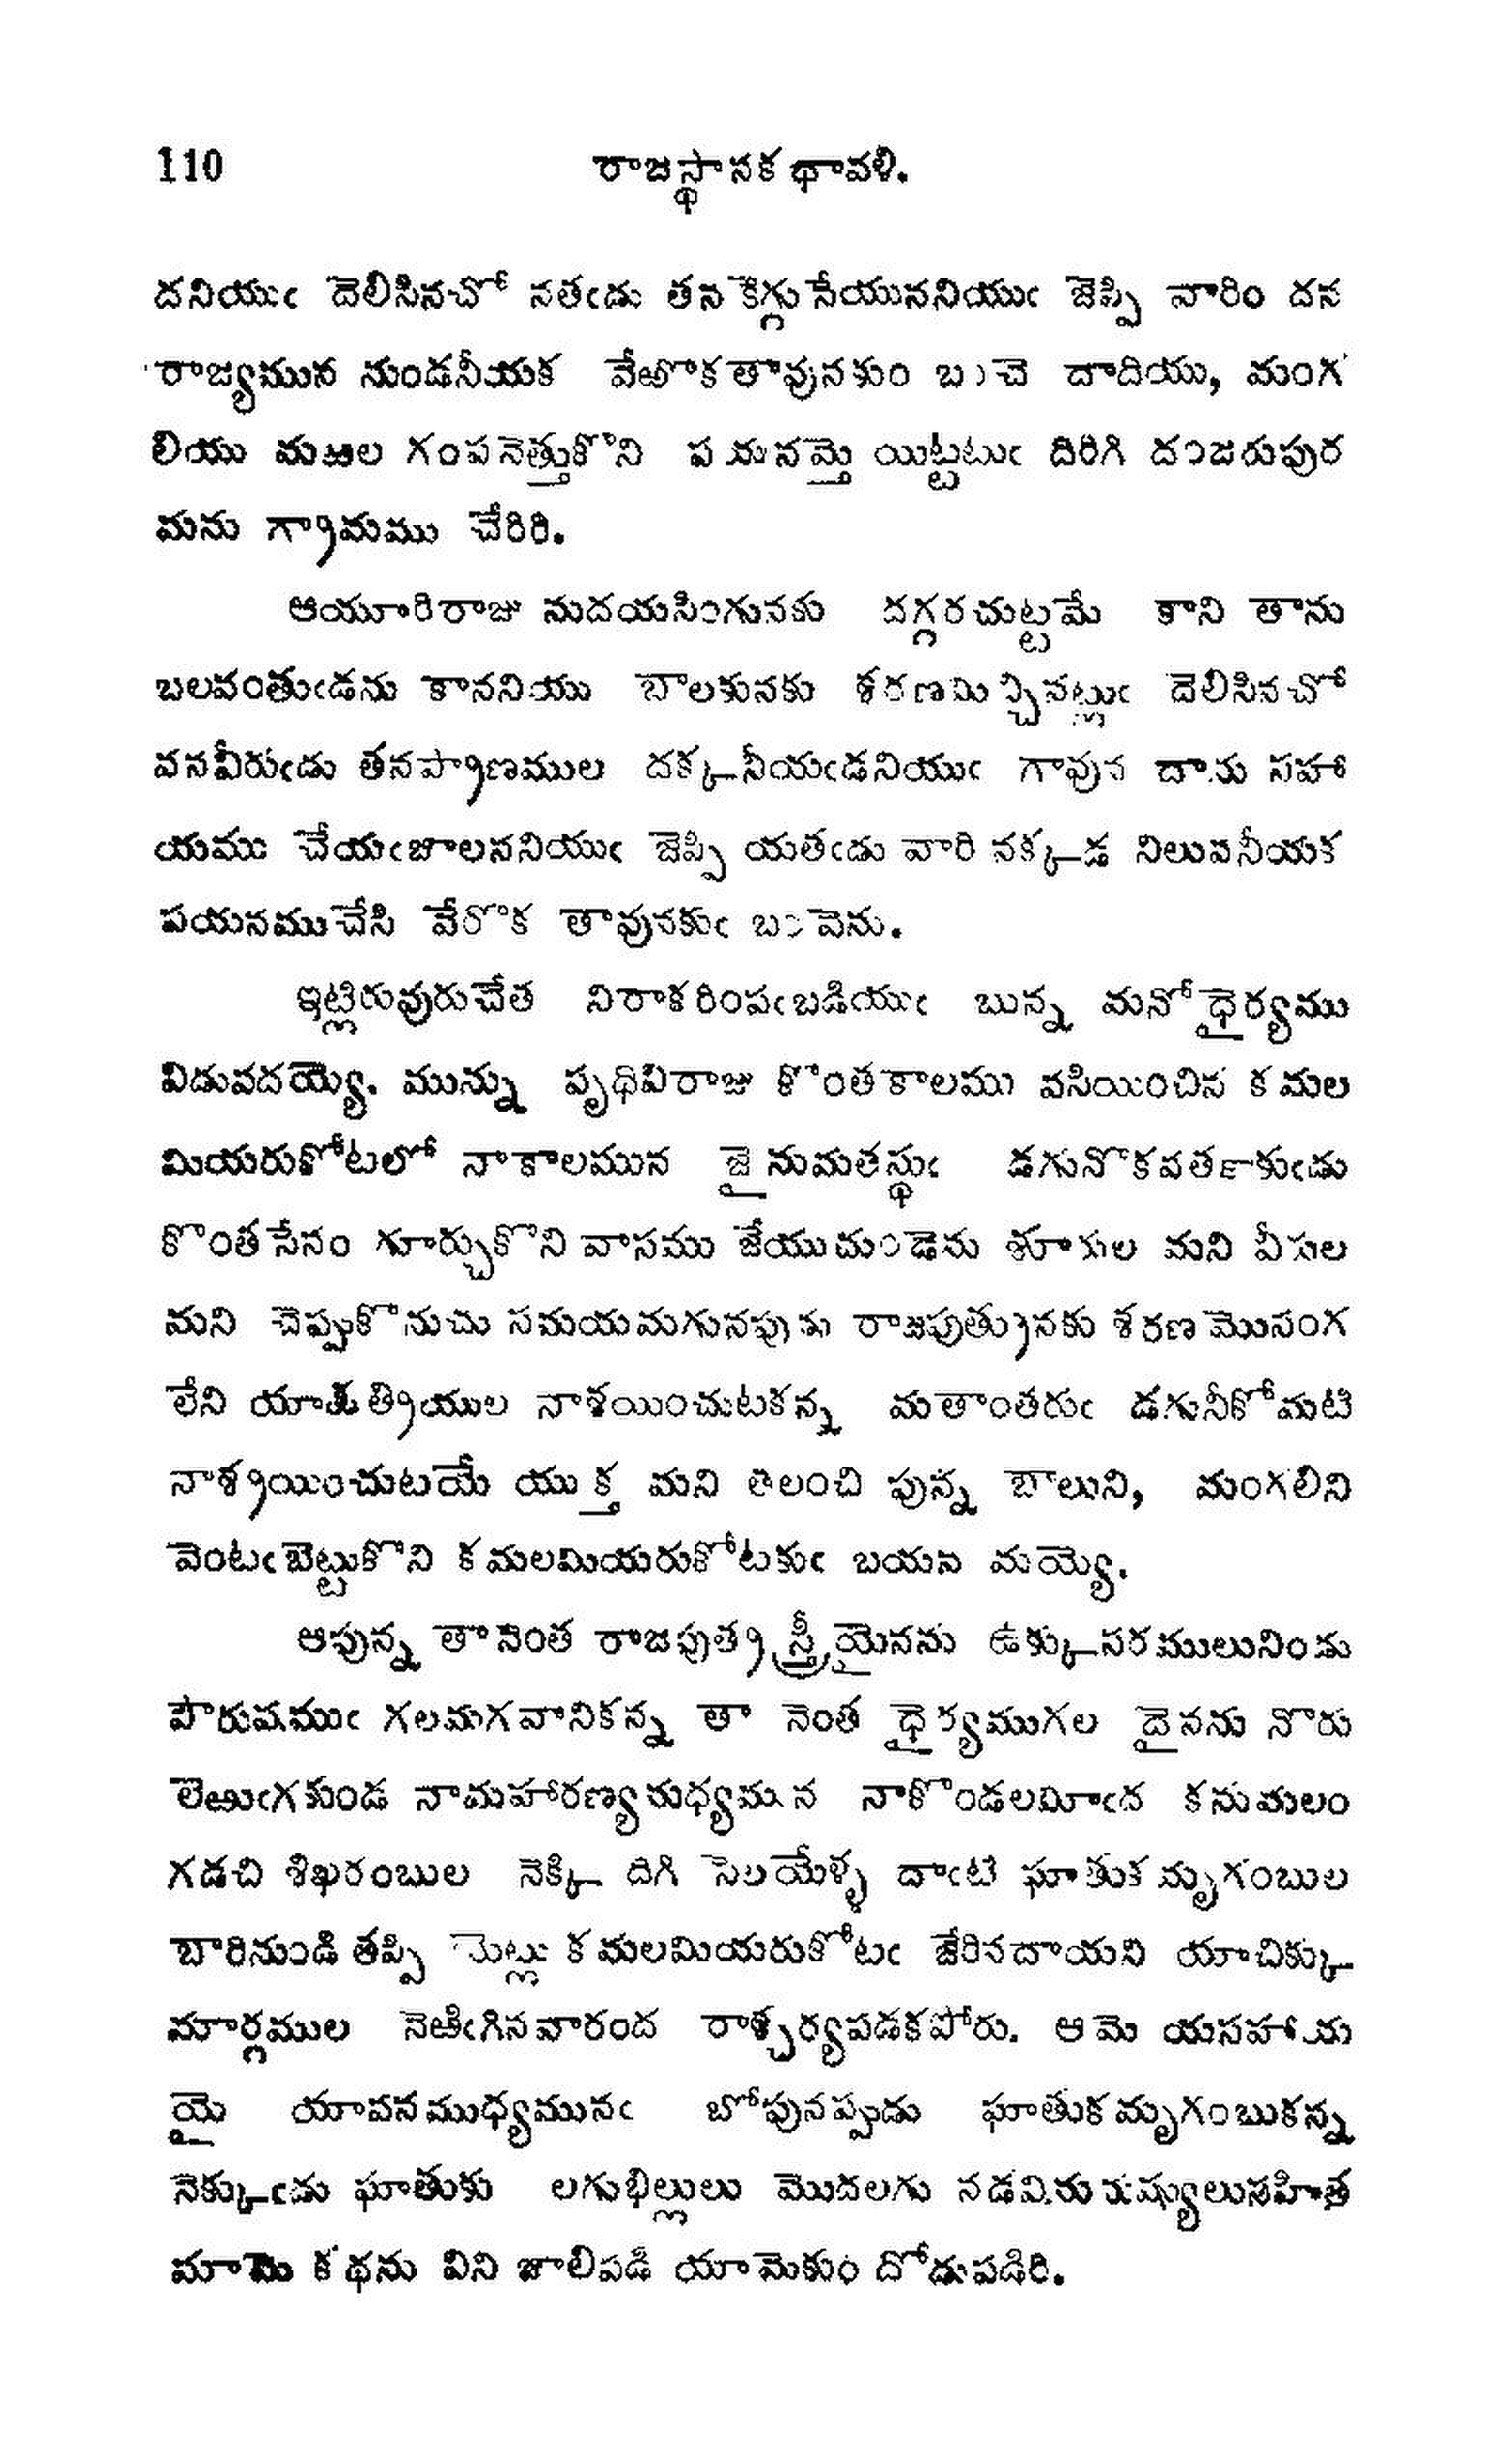దనియుఁ దెలిసినచో నతఁడు తన కెగ్గు సేయుననియుఁ జెప్పి వారిం దన రాజ్యమున నుండనీయక వేఱోక తావునకుం బంచె దాదియు, మంగలియు మఱల గంప నెత్తుకొని పయనమై యిట్టటుఁ దిరిగి దంజరుపురమను గ్రామము చేరిరి.

ఆయూరి రాజు నుదయసింగునకు దగ్గరచుట్టమే కాని తాను బలవంతుఁడను కాననియు బాలకునకు శరణమిచ్చినట్లుఁ దెలిసినచో వనవీరుఁడు తన ప్రాణముల దక్కనీయఁడనియుఁ గావున దాను సహాయము చేయఁజాలననియుఁ జెప్పి యతఁడు వారి నక్కడ నిలువ నీయక పయనము చేసి వేరొక తావునకుఁ బంపెను.

ఇట్లిరువురు చేత నిరాకరింపఁబడియుఁ బున్న మనో ధైర్యము విడువదయ్యె. మున్ను పృథివిరాజు కొంతకాలము వసియించిన కమలమియరుకోటలో నాకాలమున జైనుమతస్థుఁ
డగునొకవత౯కుఁడు కొంత సేనం గూర్చుకొని వాసము జేయుచుండెను శూరుల మని వీరుల
మని చెప్పుకోనుచు సమయమగునపుడు రాజపుత్రునకు శరణ మొసంగలేని యాక్షత్రియుల నాశయించుటకన్న మతాంతరుఁ డగు నీకోమటి నాశ్రయించుటయే యుక్త మని తలంచి పున్న బాలుని, మంగలిని వెంటఁ బెట్టుకొని కమలమియరుకోటకుఁ బయన మయ్యె.

ఆపున్న తానింత రాజపుత్ర స్త్రీయైనను ఉక్కు సరములునిండు పౌరుషముఁ గలమగవానికన్న తా నెంత ధైర్యముగల దైనను నొరు లెఱుఁగకుండ నామహారణ్య మధ్యమున నాకొండలమీఁద కనుమలం గడచి శిఖరంబుల నెక్కి దిగి సెలయేళ్ళ దాఁటి ఘాతుక మృగంబుల బారినుండి తప్పి యెట్లు కమలమియరుకోటఁ జేరినదాయని యాచిక్కు మార్గముల నెఱిఁగిన వారంద రాశ్చర్యపడకపోరు. ఆమె యసహాయయై యావన మధ్యమునం బో పునప్పుడు ఘాతుక మృగంబుకన్న నెక్కుఁడు ఘాతుకు లగుభిల్లులు మొదలగు నడవి మనుష్యులు సహిత మామె కథను విని జాలిపడీ యామెకుం దోడు పడిరి.